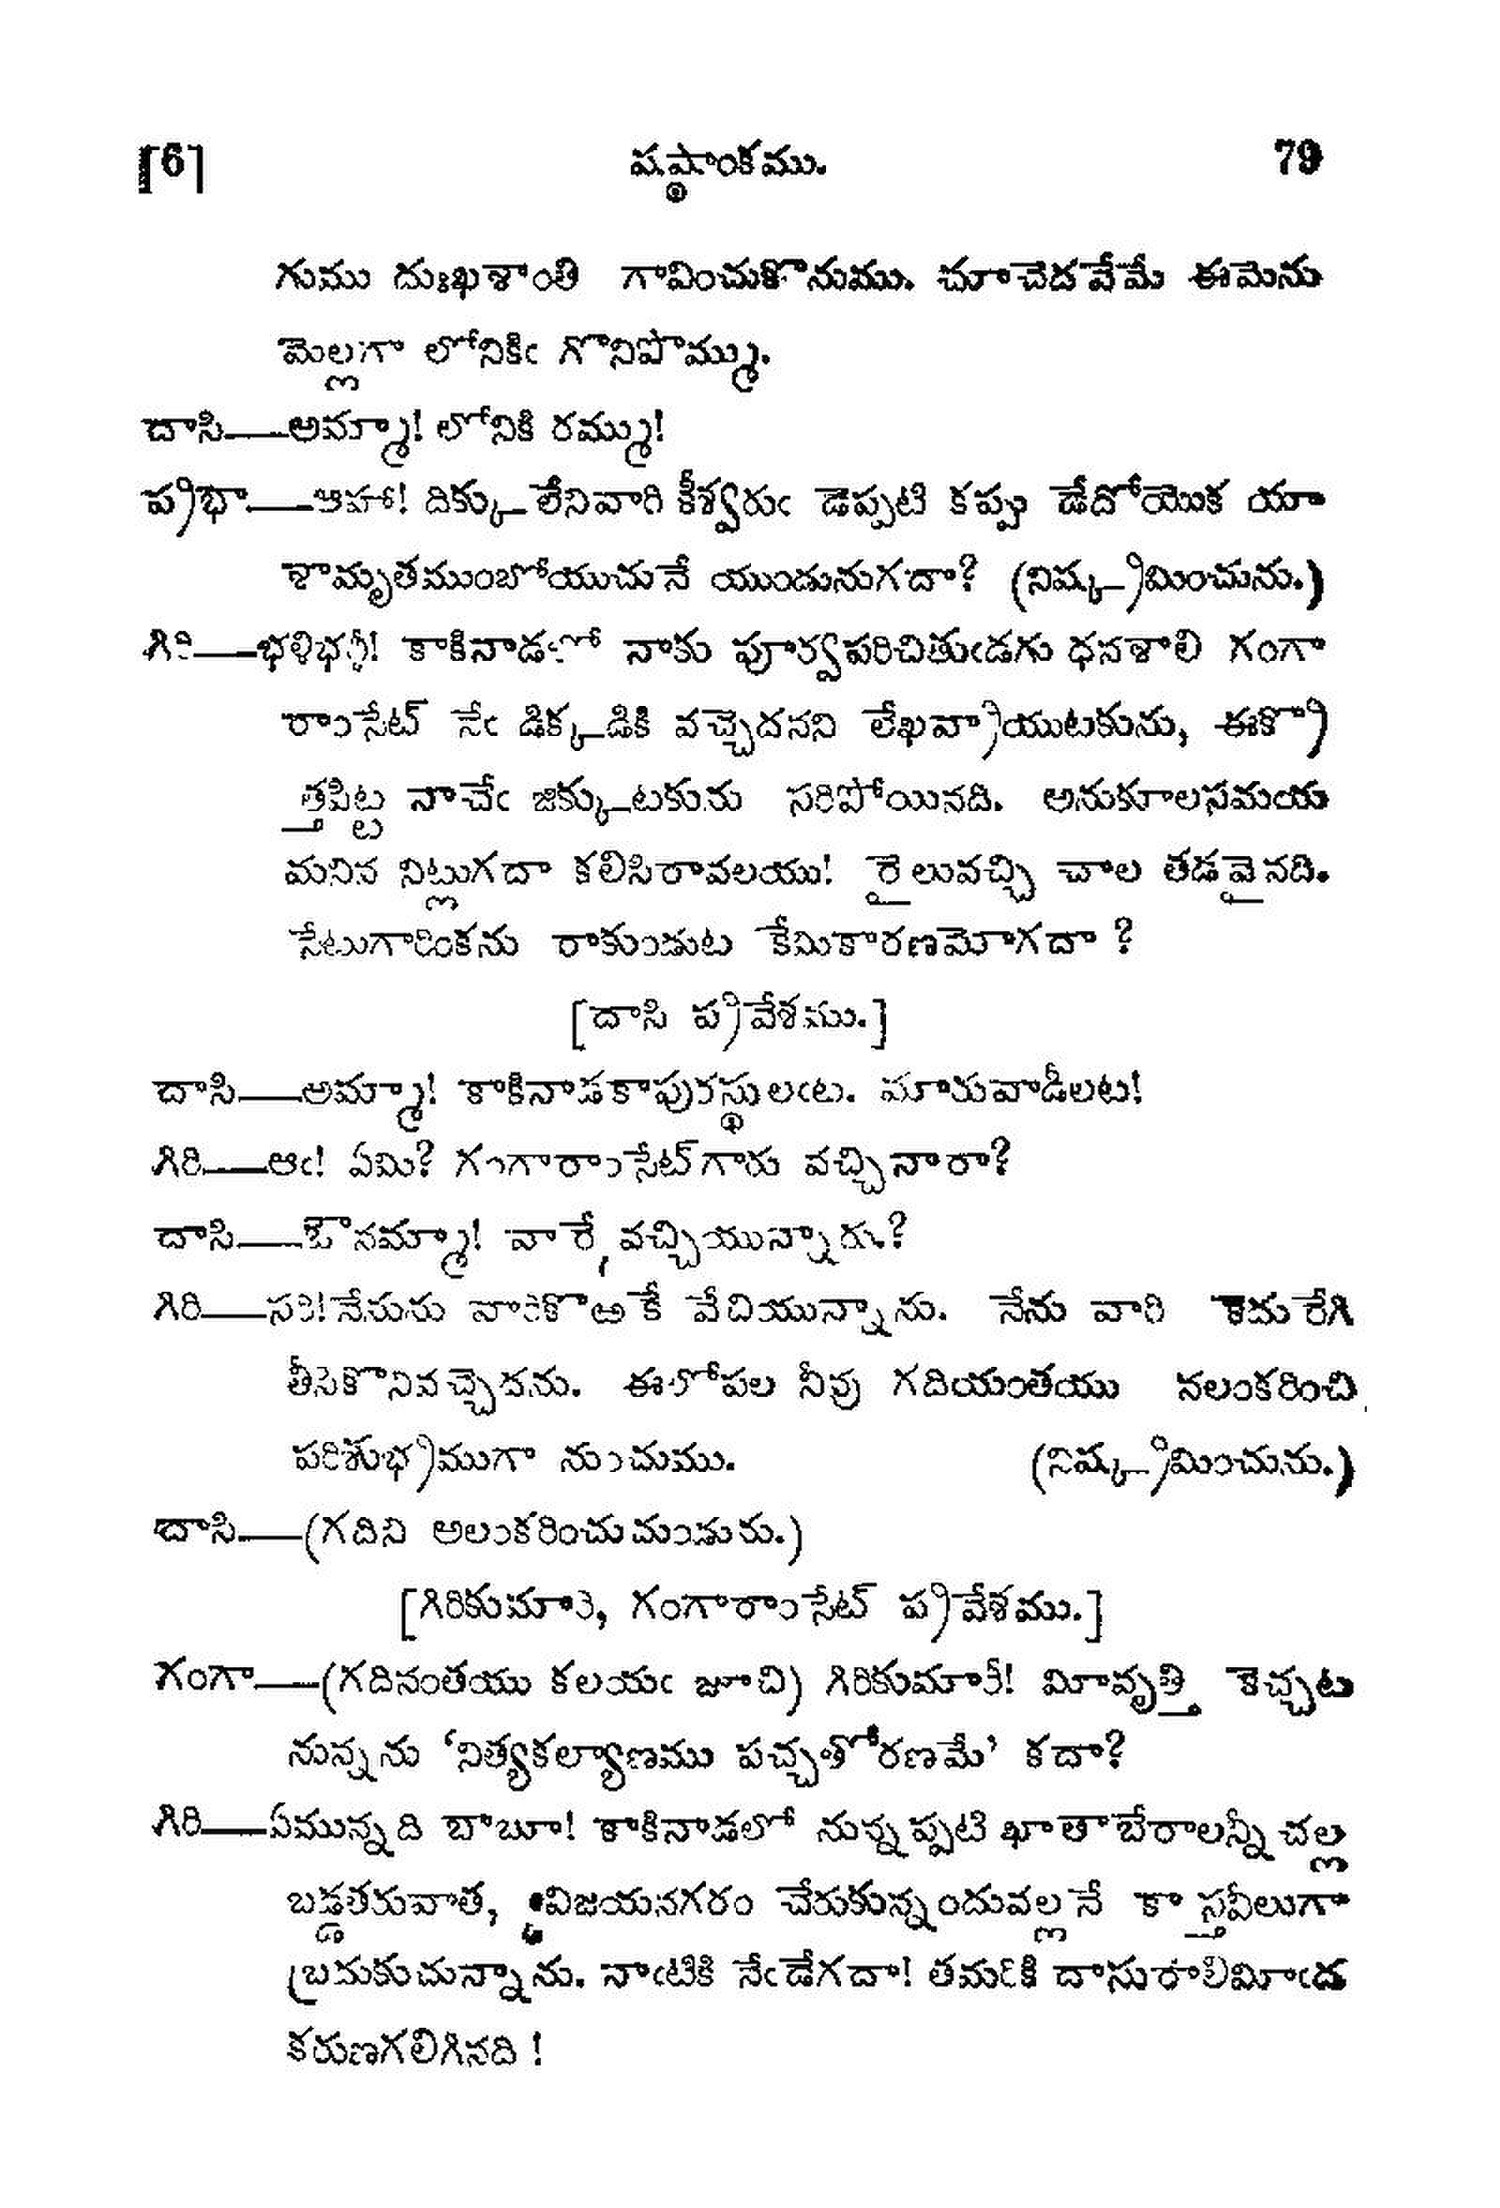గుము దుఃఖశాంతి గావించుకొనుము. చూచెదవేమే ఈమెను మెల్లగా లోనికిఁ గొనిపొమ్ము.

దాసి - అమ్మా! లోనికి రమ్ము!

ప్రభా - ఆహా! దిక్కులేనివారికీశ్వరుఁ డెప్పటి కప్పు డేదోయొక యాశామృతముంబోయుచునే యుండునుగదా? (నిష్క్రమించును.)

గిరి - భళిభళీ! కాకినాడలో నాకు పూర్వపరిచితుఁడగు ధనశాలి గంగారాసేట్ నేఁ డిక్కడికి వచ్చెదనని లేఖవ్రాయుటకును, ఈక్రొత్తపిట్ట నాచేఁ జిక్కుటకును సరిపోయినది. అనుకూలసమయ మనిన నిట్లుగదా కలిసిరావలయు! రైలువచ్చి చాల తడవైనది. సేటుగారింకను రాకుండుట కేమికారణమోగదా ?

దాసి — అమ్మా! కాకినాడకాపురస్థులఁట. మారువాడీలట!

గిరి - ఆఁ! ఏమి? గంగారాసేట్‌గారు వచ్చినారా?

దాసి — ఔనమ్మా! వారే వచ్చియున్నారు.?

గిరి - సరి! నేనును వారికొఱకే వేచియున్నాను. నేను వారి కెదురేగి తీసికొనివచ్చెదను. ఈలోపల నీవు గదియంతయు నలంకరించి, పరిశుభ్రముగా నుంచుము.

దాసి - (గదిని అలంకరించుచుండును.)

గంగా -- (గదినంతయు కలయఁ జూచి) గిరికుమారీ! మీవృత్తి కెచ్చటనున్నను 'నిత్యకల్యాణము పచ్చతోరణమే' కదా?

గిరి - ఏమున్నది బాబూ! కాకినాడలో నున్నప్పటి ఖాతా బేరాలన్నీ చల్లబడ్డతరువాత, విజయనగరం చేరుకున్నందువల్లనే కాస్తవీలుగా బ్రదుకుచున్నాను. నాఁటికి నేఁడేగదా! తమరికి దాసురాలిమీఁద
కరుణగలిగినది!